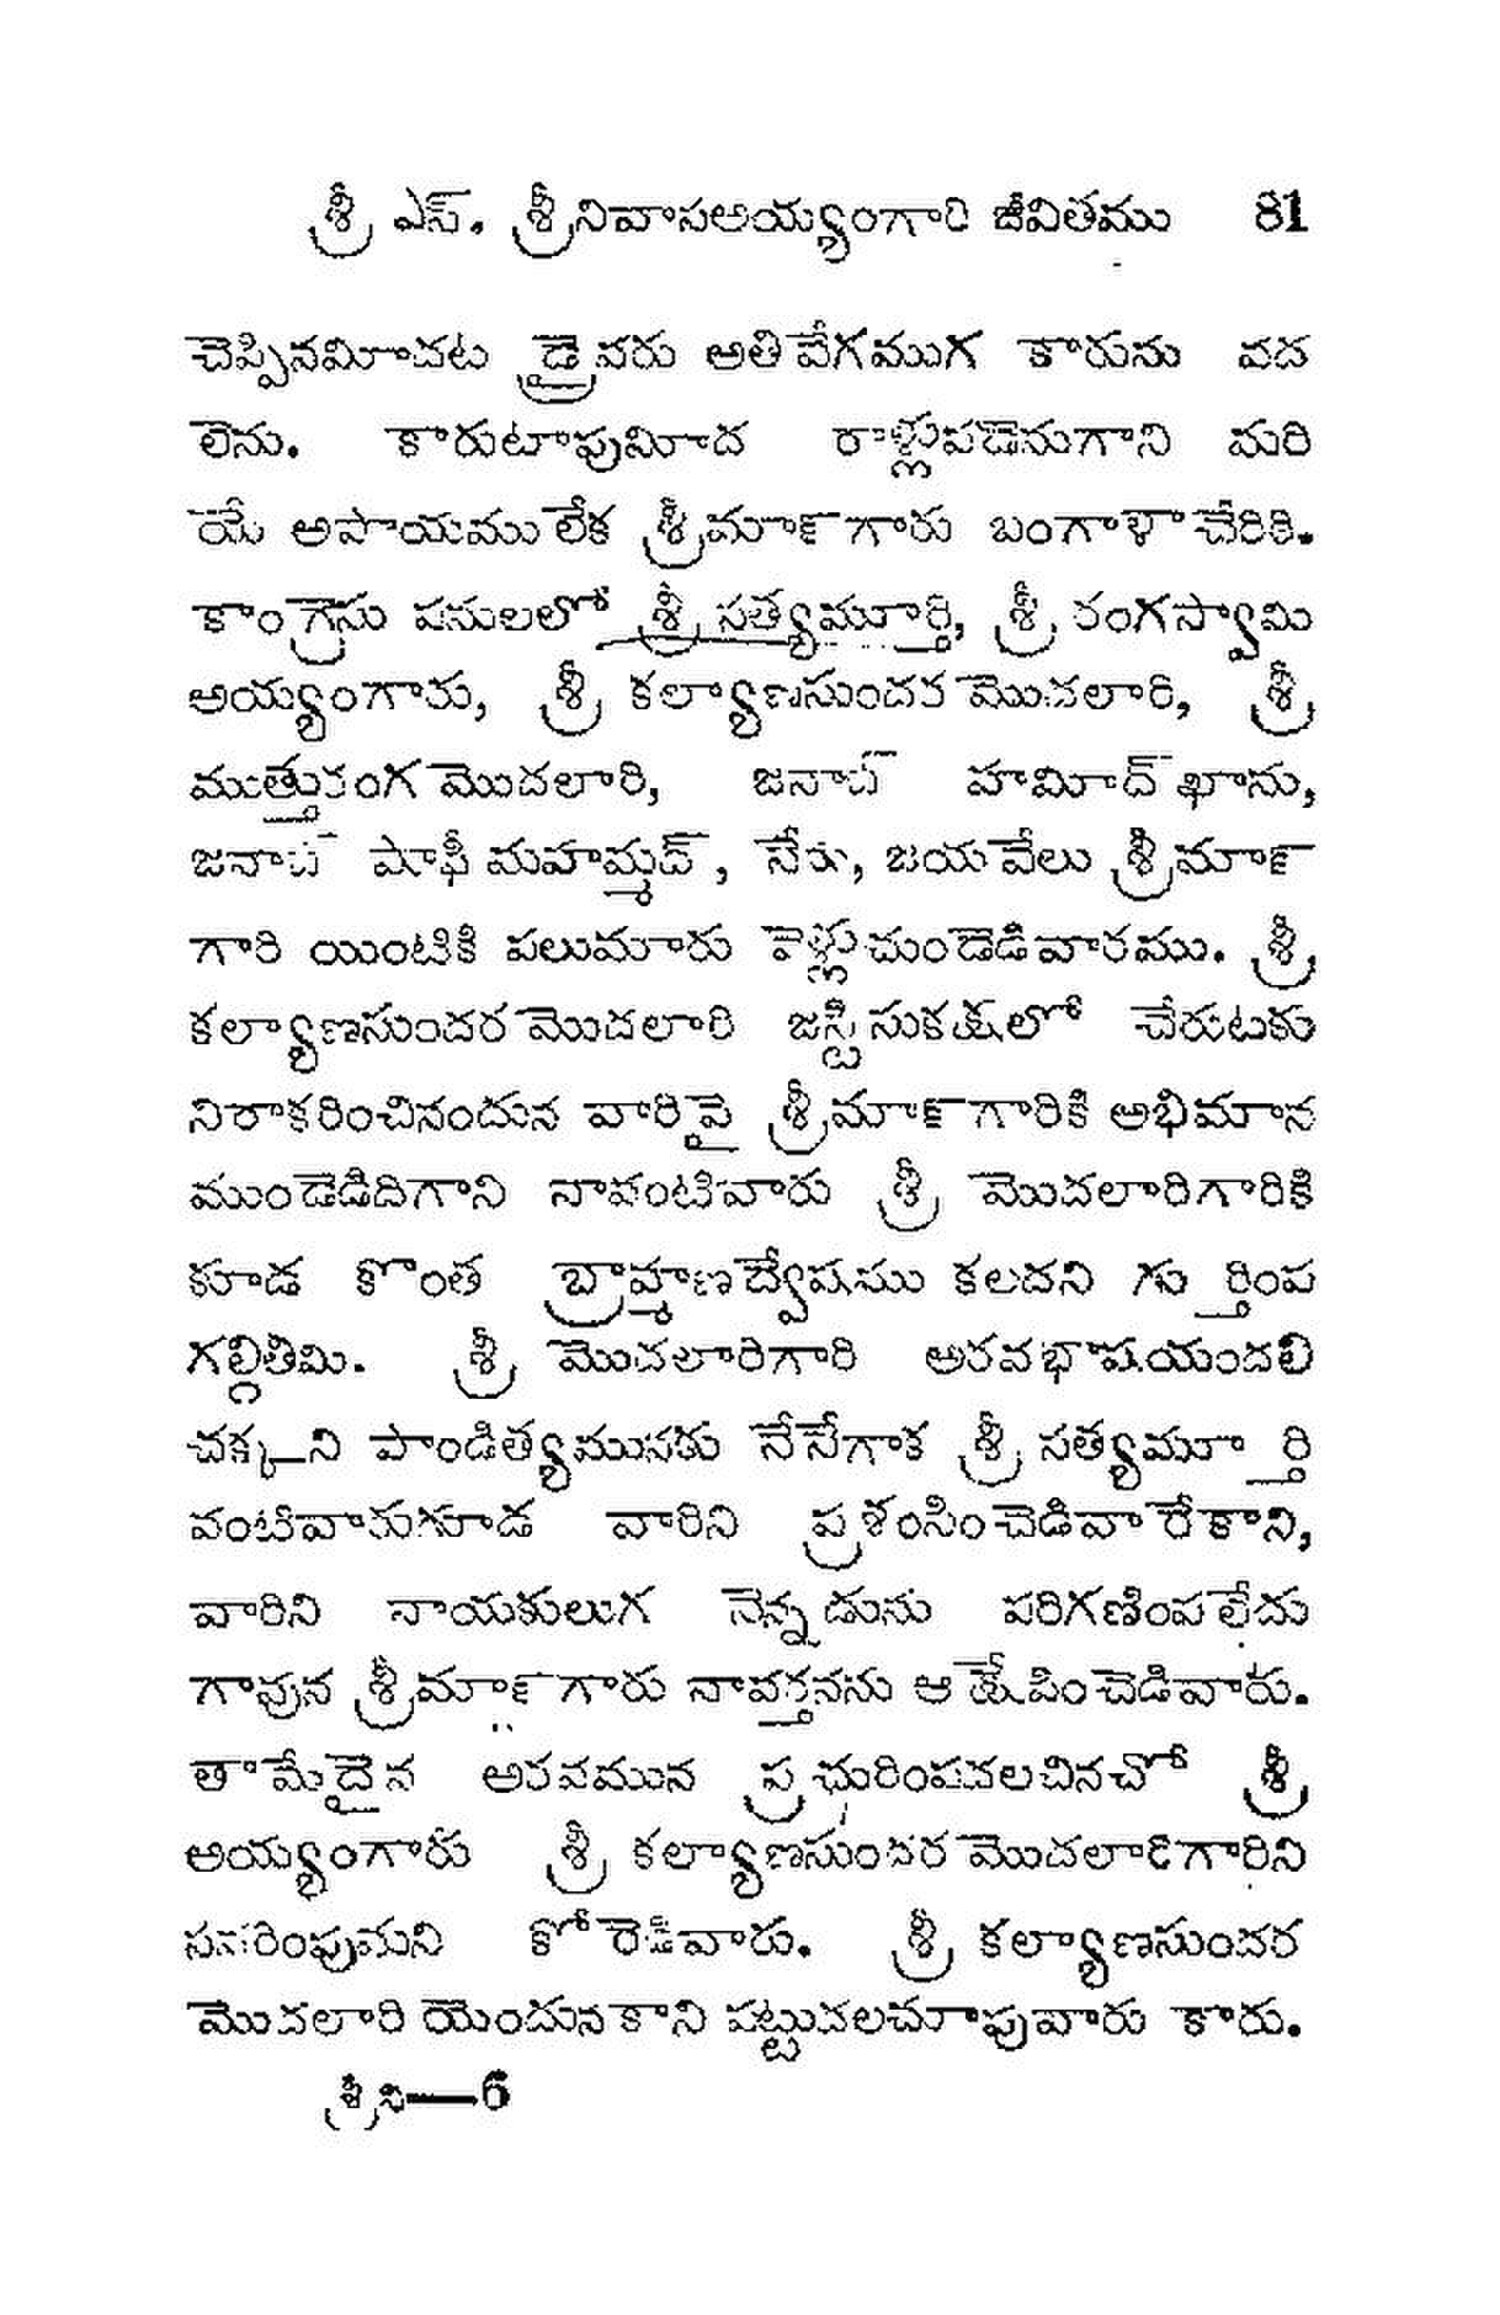చెప్పినమీదట డ్రైవరు అతివేగముగ కారును వదలెను. కారుటాపుమీద రాళ్లుపడెనుగాని మరియే అపాయము లేక శ్రీమా౯గారు బంగాళాచేరిరి. కాంగ్రెసు పనులలో శ్రీ సత్యమూర్తి, శ్రీ రంగస్వామి అయ్యంగారు, శ్రీ కల్యాణసుందర మొదలారి, శ్రీ ముత్తురంగమొదలారి, జనాబ్ హమీద్‌ఖాను, జనాబ్ షాఫీమహమ్మద్, నేను, జయవేలు శ్రీమా౯గారి యింటికి పలుమారు వెళ్లుచుండెడివారము. శ్రీ కల్యాణసుందర మొదలారి జస్టిసుకక్షలో చేరుటకు నిరాకరించినందున వారిపై శ్రీమా౯గారికి అభిమాన ముండెడిదిగాని నావంటివారు శ్రీ మొదలారిగారికి కూడ కొంత బ్రాహ్మణద్వేషము కలదని గుర్తింప గల్గితిమి. శ్రీ మొదలారిగారి అరవభాషయందలి చక్కని పాండిత్యమునకు నేనేగాక శ్రీ సత్యమూర్తి వంటివారుగూడ వారిని ప్రశంసించెడివారేకాని, వారిని నాయకులుగ నెన్నడును పరిగణింపలేదు గావున శ్రీమా౯గారు నావర్తనను ఆక్షేపించెడివారు. తామేదైన అరవమున ప్రచురింపదలచినచో శ్రీ అయ్యంగారు శ్రీ కల్యాణసుందరమొదలారిగారిని సవరింపుమని కోరెడివారు. శ్రీ కల్యాణసుందరమొదలారి యెందున కాని పట్టుదల చూపువారు కారు.